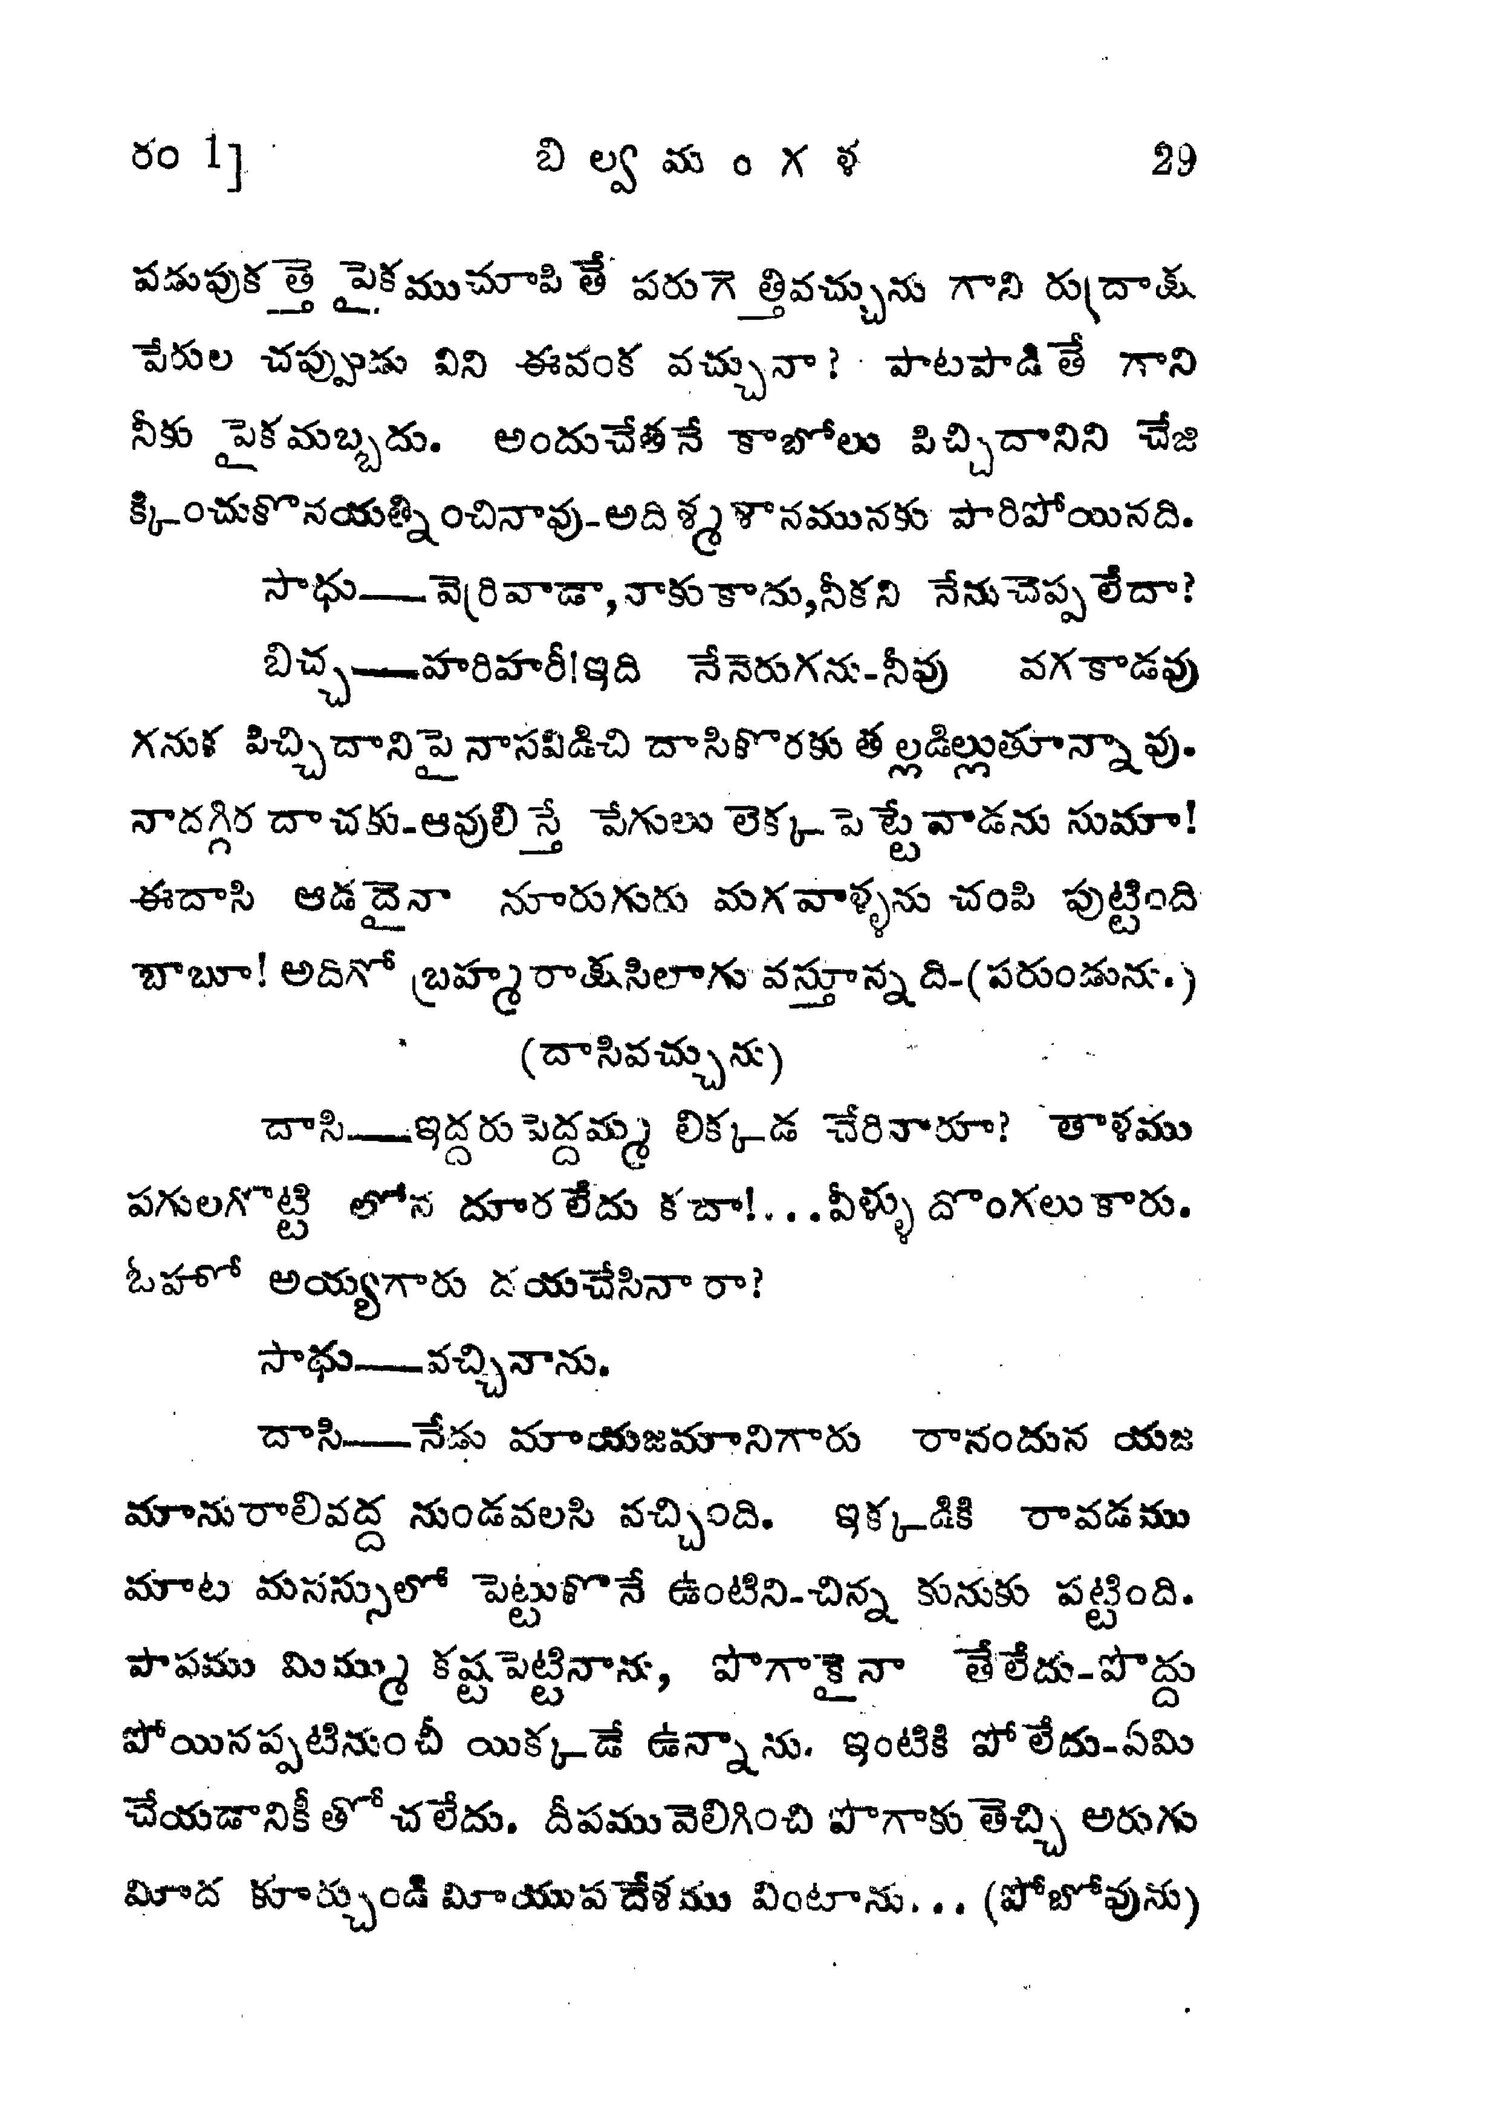పడుపుకత్తె పైకముచూపితే పరుగెత్తివచ్చును గాని రుద్రాక్ష పేరుల చప్పుడు విని ఈవంక వచ్చునా? పాటపాడితే గాని నీకు పైకమబ్బదు. అందుచేతనే కాబోలు పిచ్చిదానిని చేజిక్కించుకొనయత్నించినావు-అది శ్మశానమునకు పారిపోయినది.

సాధు - వెర్రివాడా, నాకుకాదు, నీకని నేనుచెప్పలేదా?

బిచ్చ - హరిహరీ! ఇది నేనెరుగను - నీవు వగకాడవు గనుక పిచ్చిదానిపై నాసవిడిచి దాసికొరకు తల్లడిల్లుతూన్నావు. నాదగ్గిర దాచకు-ఆవులిస్తే పేగులు లెక్కపెట్టేవాడను సుమా! ఈదాసి ఆడదైనా నూరుగురు మగవాళ్ళను చంపి పుట్టింది బాబూ! అదిగో బ్రహ్మరాక్షసిలాగు వస్తూన్నది-(పరుండును.)

దాసి - ఇద్దరు పెద్దమ్మ లిక్కడ చేరినారూ? తాళము పగులగొట్టి లోన దూరలేదు కదా!.... వీళ్ళు దొంగలుకారు. ఓహో! అయ్యగారు దయచేసినా రా?

సాధు - వచ్చినాను.

దాసి - నేడు మాయజమానిగారు రానందున యజమానురాలివద్ద నుండవలసి వచ్చింది. ఇక్కడికి రావడము మాట మనస్సులో పెట్టుకొనే ఉంటిని - చిన్న కునుకు పట్టింది. పాపము మిమ్ము కష్టపెట్టినాను, పొగాకైనా తేలేదు-పొద్దు పోయినప్పటినుంచీ యిక్కడే ఉన్నాను. ఇంటికి పోలేదు-ఏమి చేయడానికీ తోచలేదు. దీపమువెలిగించి పొగాకుతెచ్చి అరుగు మీద కూర్చుండి మీయుపదేశము వింటాను...(పోబోవును)